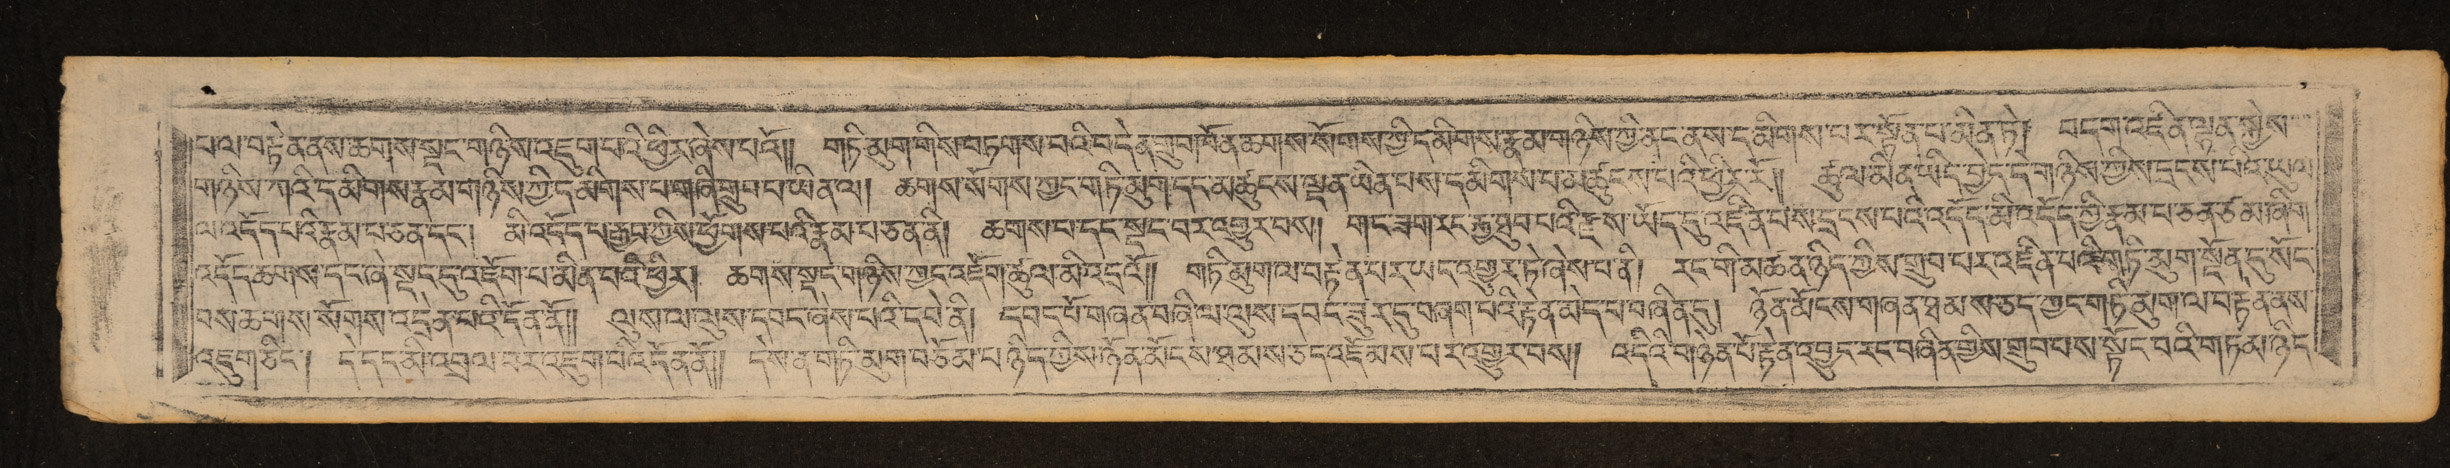པ་ལ་བརྟེན་ནས་ཆགས་སྡང་གཉིས་འཇུག་པའི་ཕྱིར་ཞེས་པའོ།། གཏི་མུག་གིས་བཏགས་པའི་བདེན་གྲུབ་ཁོ་ན་ཆགས་སོགས་ཀྱི་དམིགས་རྣམ་གཉིས་ཀྱི་ནང་ནས་དམིགས་པར་སྟོན་པ་མིན་ཏེ། བདག་འཛིན་ལྷན་སྐྱེས་
གཉིས་ཀའི་དམིགས་རྣམ་གཉིས་ཀྱི་དམིགས་པ་གཞི་གྲུབ་པ་ཡིན་ལ། ཆགས་སོགས་ཀྱང་གཏི་མུག་དང་མཚུངས་ལྡན་ཡིན་པས་དམིགས་པ་མཚུངས་པའི་ཕྱིར་རོ།། ཚུལ་མིན་ཡིད་བྱེད་དེ་གཉིས་ཀྱིས་དྲངས་པའི་ཡུལ་
ལ་འདོད་པའི་རྣམ་པ་ཅན་དང་། མི་འདོད་པ་རྒྱབ་ཀྱིས་ཕྱོགས་པའི་རྣམ་པ་ཅན་ནི། ཆགས་པ་དང་སྡང་བར་འགྱུར་བས། གང་ཟག་རང་རྐྱ་ཐུབ་པའི་རྫས་ཡོད་དུ་འཛིན་པས་དྲངས་པའི་འདོད་མི་འདོད་ཀྱི་རྣམ་པ་ཅན་ཙམ་ཞིག་
འདོད་ཆགས་དང་ཞེ་སྡང་དུ་འཇོག་པ་མིན་པའི་ཕྱིར། ཆགས་སྡང་གཉིས་ཀྱང་འཇོག་ཚུལ་མི་འདྲའོ།། གཏི་མུག་ལ་བརྟེན་པར་ཡང་འགྱུར་ཏེ་ཞེས་པ་ནི། རང་གི་མཚན་ཉིད་ཀྱིས་གྲུབ་པར་འཛིན་པའི་གཏི་མུག་སྔོན་དུ་སོང་
བས་ཆགས་སོགས་འདྲེན་པའི་དོན་ནོ།། ལུས་ལ་ལུས་དབང་ཞེས་པའི་དཔེ་ནི། དབང་པོ་གཞན་བཞི་ལ་ལུས་དབང་ཟུར་དུ་བཞག་པའི་རྟེན་མེད་པ་བཞིན་དུ། ཉོན་མོངས་གཞན་ཐམས་ཅད་ཀྱང་གཏི་མུག་ལ་བརྟེན་ནས་
འཇུག་ཅིང་། དེ་དང་མི་འབྲལ་བར་འཇུག་པའི་དོན་ནོ།། དེས་ན་གཏི་མུག་བཅོམ་པ་ཉིད་ཀྱིས་ཉོན་མོངས་ཐམས་ཅད་འཇོམས་པར་འགྱུར་བས། འདིའི་གཉེན་པོ་རྟེན་འབྱུང་རང་བཞིན་གྱིས་གྲུབ་པས་སྟོང་པའི་གཏམ་ཉིད་